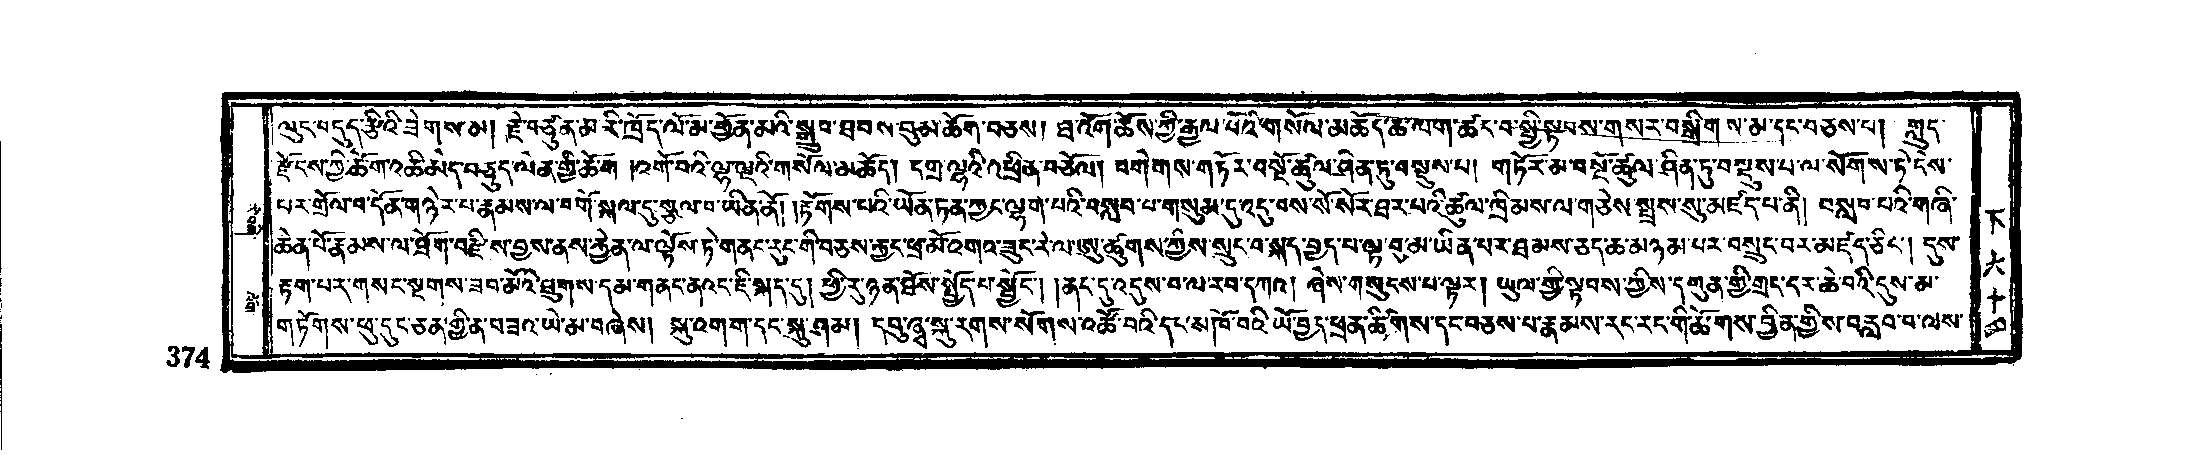ལུང་བདུད་རྩིའི་ཟེགས་མ། རྗེ་བཙུན་མ་རི་ཁྲོད་ལོ་མ་གྱོན་མའི་སྒྲུབ་ཐབས་བུམ་ཆོག་བཅས། ཐ་འོག་ཆོས་ཀྱི་རྒྱལ་པོའི་གསོལ་མཆོད་ཆ་ལག་ཚང་བ་སྤྱི་སྟབས་གསར་བསྒྲིགས་མ་དང་བཅས་པ། གླུད་
རྫོངས་ཀྱི་ཆོ་ག་འཆི་མེད་བཅུད་ལེན་གྱི་ཆོ་ག །འགོ་བའི་ལྷ་ལྔའི་གསོལ་མཆོད། དགྲ་ལྷའི་འཕྲིན་བཅོལ། བགེགས་གཏོར་བསྔོ་ཚུལ་ཤིན་ཏུ་བསྡུས་པ། གཏོར་མ་བསྔོ་ཚུལ་ཤིན་ཏུ་བསྡུས་པ་ལ་སོགས་ཏེ་ངེས་
པར་གྲོལ་བ་དོན་གཉེར་པ་རྣམས་ལ་བགོ་སྐལ་དུ་སྩལ་བ་ཡིན་ནོ། །རྟོགས་པའི་ཡོན་ཏན་ཀྱང་ལྷག་པའི་བསླབ་པ་གསུམ་དུ་འདུ་བས་སོ་སོར་ཐར་པའི་ཚུལ་ཁྲིམས་ལ་གཅེས་སྤྲས་སུ་མཛད་པ་ནི། བསླབ་པའི་གཞི་
ཆེན་པོ་རྣམས་ལ་ཐོག་བརྫིས་བྱས་ནས་རྐྱེན་ལ་ལྟོས་ཏེ་གནང་རུང་གི་བཅས་རྐྱང་ཕྲ་མོ་འགའ་ཟུང་རེ་ལ་ཨུ་ཚུགས་ཀྱིས་སྲུང་བ་སྐད་བྱད་པ་ལྟ་བུ་མ་ཡིན་པར་ཐམས་ཅད་ཆ་མཉམ་པར་བསྲུང་བར་མཛད་ཅིང་། དུས་
རྟག་པར་གསང་སྔགས་ཟབ་མོའི་ཐུགས་དམ་གནང་ནའང་ཇི་སྐད་དུ། ཕྱི་རུ་ཉན་ཐོས་སྤྱོད་པ་སྦྱོང་། །ནང་དུ་འདུས་བ་ལ་རབ་དཀའ། ཞེས་གསུངས་པ་ལྟར། ཡུལ་གྱི་སྟབས་ཀྱིས་དགུན་གྱི་གྲང་ངར་ཆེ་བའི་དུས་མ་
གཏོགས་ཕུ་དུང་ཅན་གྱི་ན་བཟའ་ཡེ་མ་བཞེས། སྐུ་འགག་དང་སྐུ་ཤམ། དབུ་ཞྭ་སྐུ་རགས་སོགས་འཚོ་བའི་དང་ས་ཁོ་བའི་ཡོ་བྱད་ཕྲན་ཚིགས་དང་བཅས་པ་རྣམས་རང་རང་གི་ཆོ་གས་བྱིན་གྱིས་བརླབ་པ་ལས་